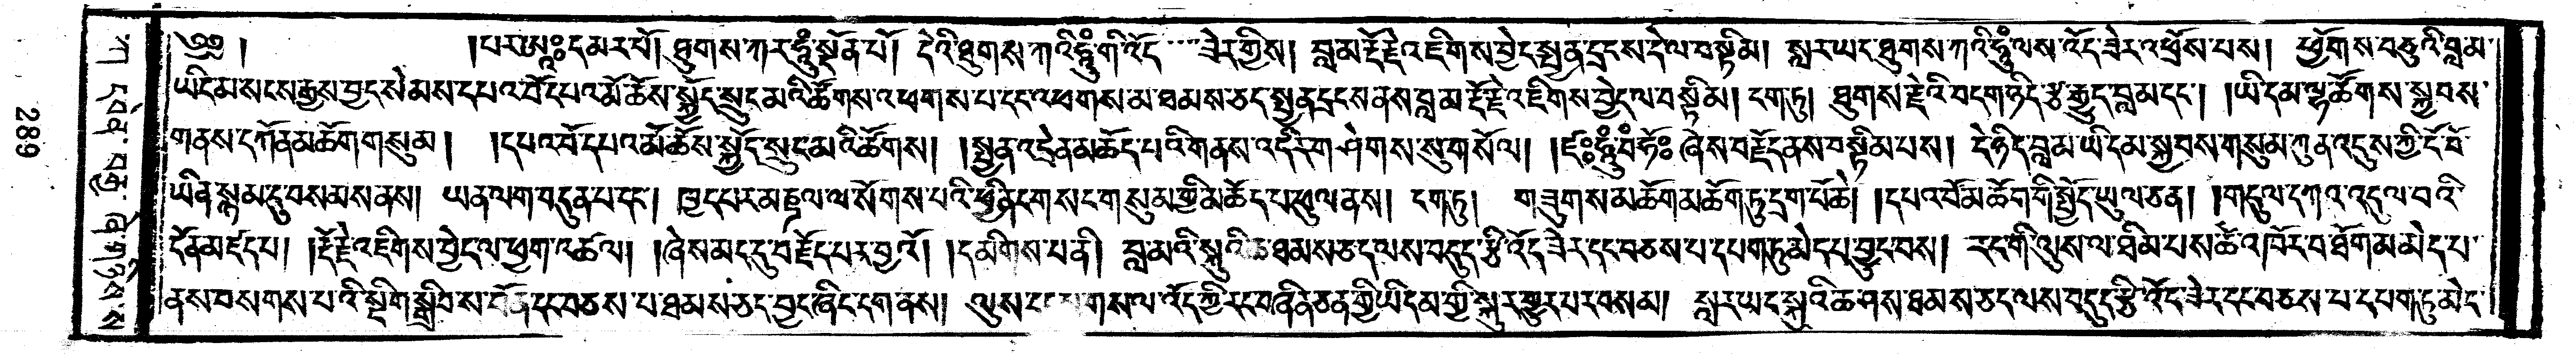༄༅། །པར་ཨཱཿ དམར་པོ། ཐུགས་ཀར་ཧཱུཾ་སྔོན་པོ། དེའི་ཐུགས་ཀའི་ཧཱུཾ་གི་འོད་ཟེར་གྱིས། བླ་མ་རྡོ་རྗེ་འཇིགས་བྱེད་སྤྱན་དྲངས་དེ་ལ་བསྟིམ། སླར་ཡང་ཐུགས་ཀའི་ཧཱུཾ་ལས་འོད་ཟེར་འཕྲོས་པས། ཕྱོགས་བཅུའི་བླ་མ་
ཡིད་མ་སངས་རྒྱས་བྱང་སེམས་དཔའ་བོ་དཔའ་མོ་ཆོས་སྐྱོང་སྲུང་མའི་ཚོགས་འཕགས་པ་དང་འཕགས་མ་ཐམས་ཅད་སྤྱན་དྲངས་ནས་བླ་མ་རྡོ་རྗེ་འཇིགས་བྱེད་ལ་བསྟིམ། ངག་ཏུ། ཐུགས་རྗེའི་བདག་ཉིད་རྩ་རྒྱུད་བླ་མ་དང་། །ཡི་དམ་ལྷ་ཚོགས་སྐྱབས་
གནས་དཀོན་མཆོག་གསུམ། །དཔའ་པོ་དཔའ་མོ་ཆོས་སྐྱོད་སྲུང་མའི་ཚོགས། །སྤྱན་འདྲེན་མཆོད་པའི་གནས་འདིར་གཤེགས་སུ་གསོལ། །ཛཿ ཧཱུཾ་བཾ་ཧོཿ ཞེས་བརྗོད་ནས་བསྟིམ་པས། དེ་ཉིད་བླ་མ་ཡི་དམ་སྐྱབས་གསུམ་ཀུན་འདུས་ཀྱི་ངོ་བོ་
ཡིན་སྙམ་དུ་བསམས་ནས། ཡན་ལག་བདུན་པ་དང་། ཁྱད་པར་མཎྜལ་ལ་སོགས་པའི་ཕྱི་ནང་གསང་གསུམ་གྱི་མཆོད་པ་ཕུལ་ནས། ངག་ཏུ། གཟུགས་མཆོག་མཆོག་ཏུ་དྲག་པོ་ཆེ། །དཔའ་བོ་མཆོག་གི་སྤྱོད་ཡུལ་ཅན། །གདུལ་དཀའ་འདུལ་བའི་
དོན་མཛད་པ། །རྡོ་རྗེ་འཇིགས་བྱེད་ལ་ཕྱག་འཚལ། །ཞེས་མང་དུ་བརྗོད་པར་བྱའོ། །དམིགས་པ་ནི། བླ་མའི་སྐུའི་ཆ་ཐམས་ཅད་ལས་བདུད་རྩི་འོད་ཟེར་དང་བཅས་པ་དཔག་ཏུ་མེད་པ་བྱུང་བས། རང་གི་ལུས་ལ་ཐིམ་པས་ཚེ་འཁོར་བ་ཐོག་མ་མེད་པ་
ནས་བསགས་པའི་སྡིག་སྒྲིབ་ས་བོན་དང་བཅས་པ་ཐམས་ཅད་བྱང་ཞིང་དག་ནས། ལུས་དྭངས་གསལ་འོད་ཀྱི་རང་བཞིན་ཅན་གྱི་ཡི་དམ་གྱི་སྐུར་གྱུར་པར་བསམ། སླར་ཡང་སྐུའི་ཆ་ཤས་ཐམས་ཅད་ལས་བདུད་རྩི་འོད་ཟེར་དང་བཅས་པ་དཔག་ཏུ་མེད་